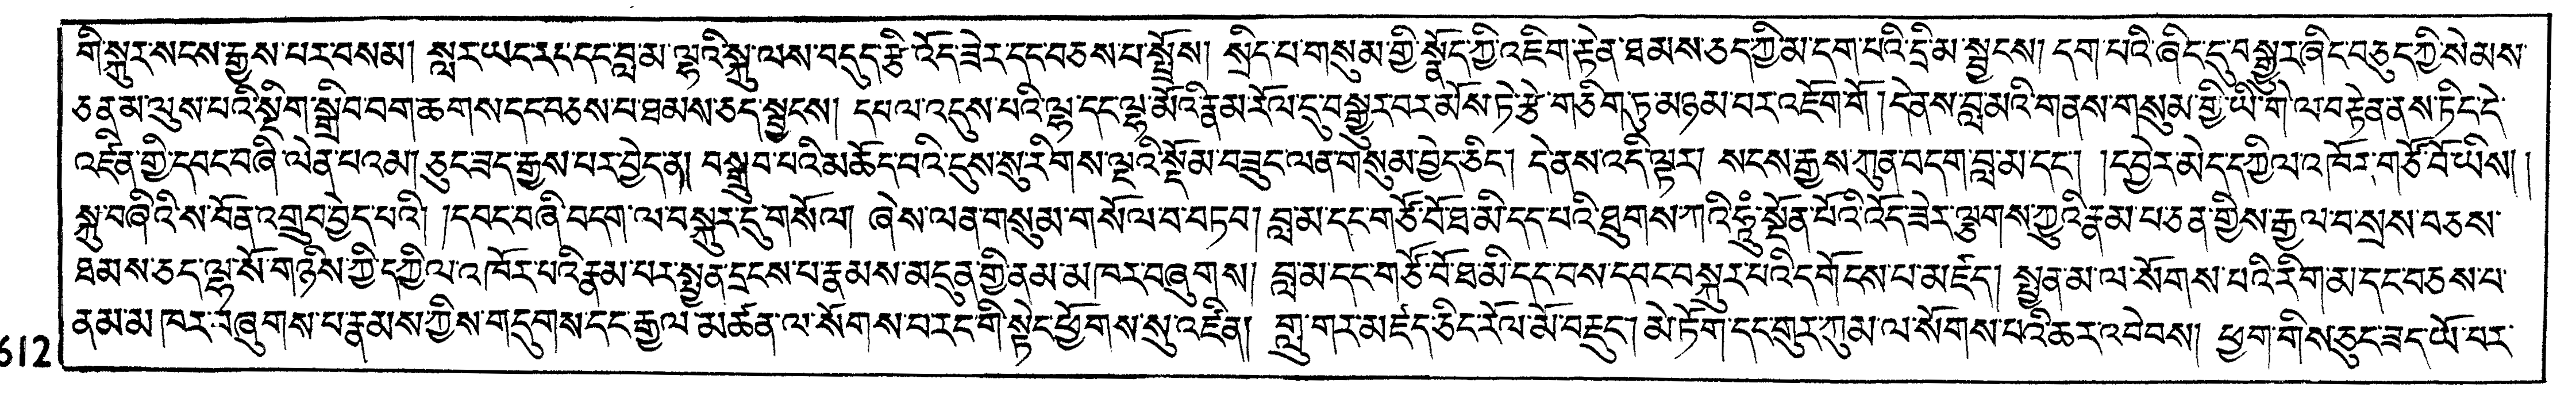གི་སྐུར་སངས་རྒྱས་པར་བསམ། སླར་ཡང་རང་དང་བླ་མ་ལྷའི་སྐུ་ལས་བདུད་རྩི་འོད་ཟེར་དང་བཅས་པ་སྤྲོས། སྲིད་པ་གསུམ་གྱི་སྣོད་ཀྱི་འཇིག་རྟེན་ཐམས་ཅད་ཀྱི་མ་དག་པའི་དྲི་མ་སྦྱངས། དག་པའི་ཞིང་དུ་བསྒྱུར་ཞིང་བཅུད་ཀྱི་སེམས་
ཅན་མ་ལུས་པའི་སྡིག་སྒྲིབ་བག་ཆགས་དང་བཅས་པ་ཐམས་ཅད་སྦྱངས། དཔལ་འདུས་པའི་ལྷ་དང་ལྷ་མོའི་རྣམ་རོལ་དུ་བསྒྱུར་བར་མོས་ཏེ་རྩེ་གཅིག་ཏུ་མཉམ་པར་འཇོག་གོ །དེ་ནས་བླ་མའི་གནས་གསུམ་གྱི་ཡི་གེ་ལ་བརྟེན་ནས་ཏིང་ངེ་
འཛིན་གྱི་དབང་བཞི་ལེན་པའམ། ཅུང་ཟད་རྒྱས་པར་བྱེད་ན། བསྒྲུབ་པའི་མཆོད་པའི་དུས་སུ་རིགས་ལྔའི་སྡོམ་བཟུང་ལན་གསུམ་བྱེད་ཅིང་། དེ་ནས་འདི་ལྟར། སང་རྒྱས་ཀུན་བདག་བླ་མ་དང་། དབྱེར་མེད་དཀྱིལ་འཁོར་གཙོ་བོ་ཡིས། །
སྐུ་བཞིའི་ས་བོན་འགྲུབ་བྱེད་པའི། །དབང་བཞི་བདག་ལ་བསྐུར་དུ་གསོལ། ཞེས་ལན་གསུམ་གསོལ་བ་བཏབ། བླ་མ་དང་གཙོ་བོ་ཐ་མི་དད་པའི་ཐུགས་ཀའི་ཧཱུཾ་སྔོན་པོའི་འོད་ཟེར་ལྕགས་ཀྱུའི་རྣམ་པ་ཅན་གྱིས་རྒྱལ་བ་སྲས་བཅས་
ཐམས་ཅད་ལྷ་སོ་གཉིས་ཀྱི་དཀྱིལ་འཁོར་པའི་རྣམ་པར་སྤྱན་དྲངས་པ་རྣམས་མདུན་གྱི་ནམ་མཁར་བཞུགས། བླ་མ་དང་གཙོ་བོ་ཐ་མི་དད་བས་དབང་བསྐུར་པའི་དགོངས་པ་མཛད། སྤྱན་མ་ལ་སོགས་པའི་རིག་མ་དང་བཅས་པ་
ནམ་མཁར་བཞུགས་པ་རྣམས་ཀྱིས་གདུགས་དང་རྒྱལ་མཚན་ལ་སོགས་པ་རང་གི་སྟེང་ཕྱོགས་སུ་འཛིན། གླུ་གར་མཛད་ཅིང་རོལ་མོ་བརྡུང་། མེ་ཏོག་དང་གུར་ཀུམ་ལ་སོགས་པའི་ཆར་འབེབས། ཕྱག་གིས་ཅུང་ཟད་ཡོ་བར་